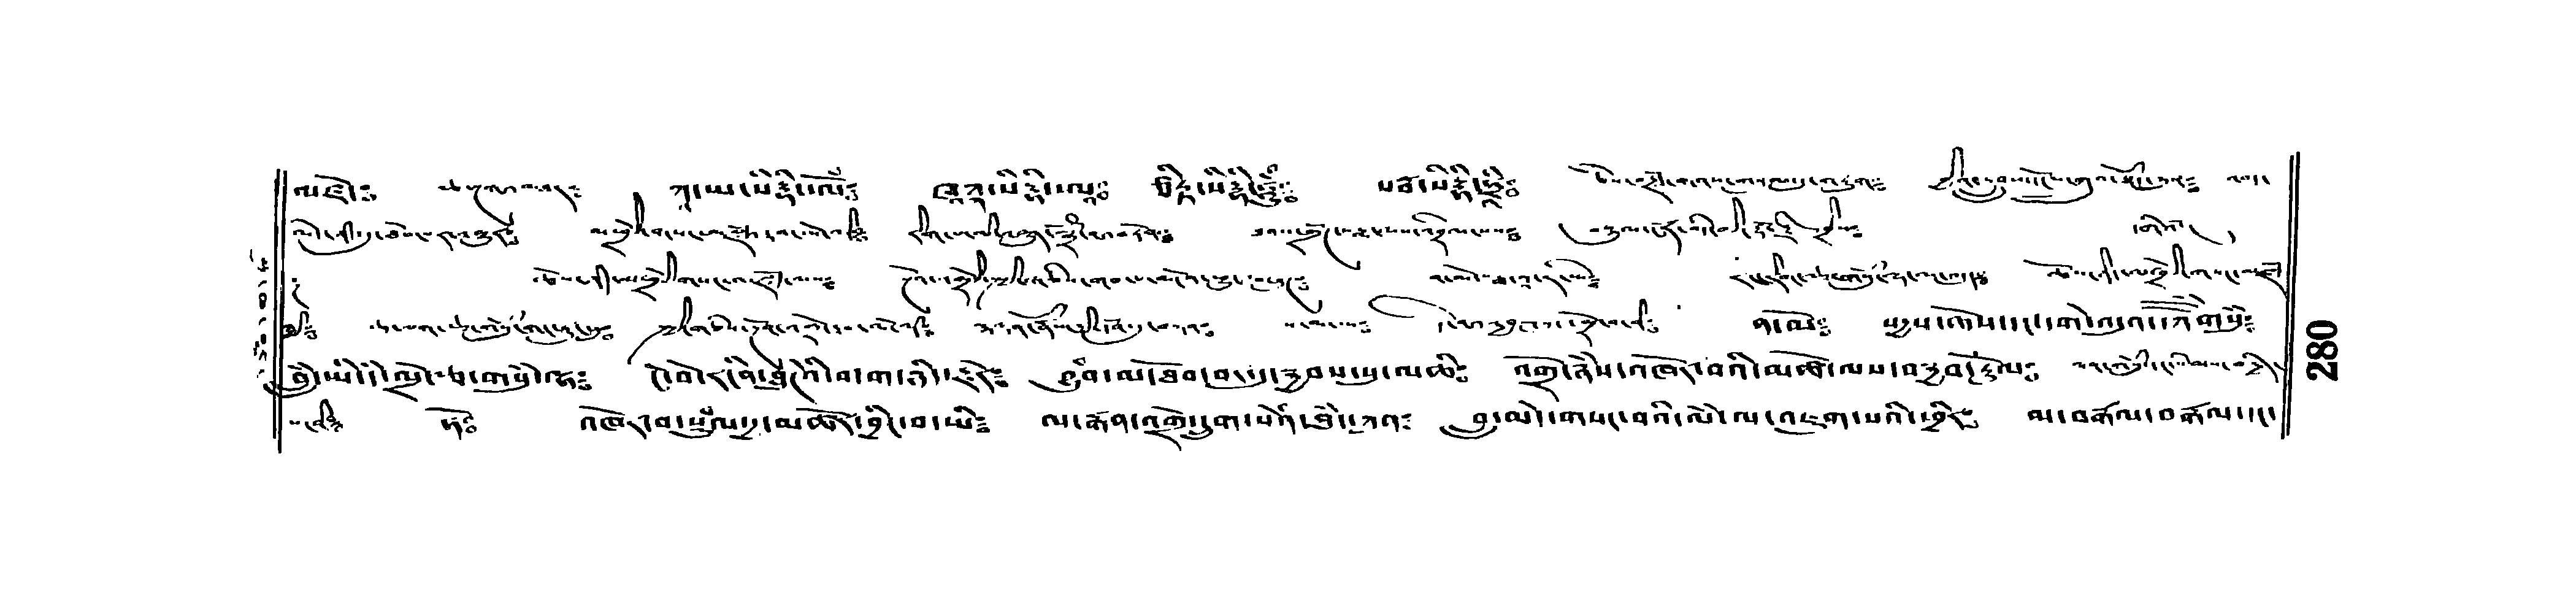མཛོད༔ རྩ་སྔགས་མཐར༔ ཀཱ་ཡ་སིདྡྷི་ཨོཾ༔ ཝཱཀྐ་སིདྡྷི་ཨཱཿ ཙིཏྟ་སིདྡྷི་ཧཱུྃ༔ སརྦ་སིདྡྷི་ཧྲཱིཿ ཅེས་བརྗོད་གནས་གསུམ་དུ་གཏུག༔ བྱིན་རླབས་དངོས་གྲུབ་ཐམས་ཅད་ཀུན༔ འབད་
མེད་ཉིད་དུ་ཐོས་པར་འགྱུར༔ མཁའ་འགྲོའི་གསང་མཛོད་ཟབ་མོ་འདི༔ རིག་པ་མི་འགྱུར་སྒྲོམ་ནས་བཏོན༔ ཐབས་གྲོགས་པདྨ་ལས་འབྲེལ་པས༔ བསྐུལ་ངོར་བདེ་བའི་རྡོ་རྗེས་བྲིས༔ དགེའོ།།
 ༈ ཆོས་ཉིད་མཁའ་འགྲོའི་གསང་མཛོད་ལས༔ སྔོན་འགྲོའི་སྤྱི་གཅེས་གབ་པ་མངོན་ཕྱུང་བཞུགས༔ ན་མོ་པདྨ་ཀཱ་ར་ཡེ༔ རང་རིག་རྩ་གསུམ་ལྷ་ལ་འདུད༔ ཆོས་ཉིད་མཁའ་འགྲོའི་གསང་མཛོད་
ཀྱི༔ རྩ་ལག་ཆ་གསུམ་གང་རུང་དུ༔ སྤྱི་གཅེས་སྔོན་འགྲོ་ཟབ་མོ་འདི༔ སྐལ་ལྡན་རྣམས་ཀྱི་དོན་དུ་བསྟན་༔ ས་མ་ཡ༔ དེ་ནས་སྐྱབས་སུ་འགྲོ་བ་ནི༔ ན་མོ༔ སངས་རྒྱས་ཆོས་དང་དགེ་འདུན་དཀོན་མཆོག་གསུམ༔ 
བླ་མ་ཡི་དམ་མཁའ་འགྲོ་རྩ་གསུམ་ལྷ༔ ངོ་བོ་རང་བཞིན་ཐུགས་རྗེའི་བདག་ཉིད་རྗཻར༔ བྱང་ཆུབ་མ་ཐོབ་བར་དུ་སྐྱབས་སུ་མཆི༔ འགྲོ་རྣམས་འཁོར་བའི་མཚོ་ལས་བསྐྱབ་ཏུ་གསོལ༔ ལན་གསུམ་དང་སེམས་བསྐྱེད་
པ་ནི༔ ཧོཿ འཁོར་བ་སྡུག་བསྔལ་རྒྱ་མཚོར་བྱིང་བ་ཡི༔ མ་རྒན་འགྲོ་དྲུག་སེམས་ཅན་ཐམས་ཅད་ཀུན༔ བླ་མེད་གསང་བའི་ལམ་ལ་འཇུག་པའི་ཕྱིར༔ མ་བསྒྲལ་བསྒྲལ་དང་